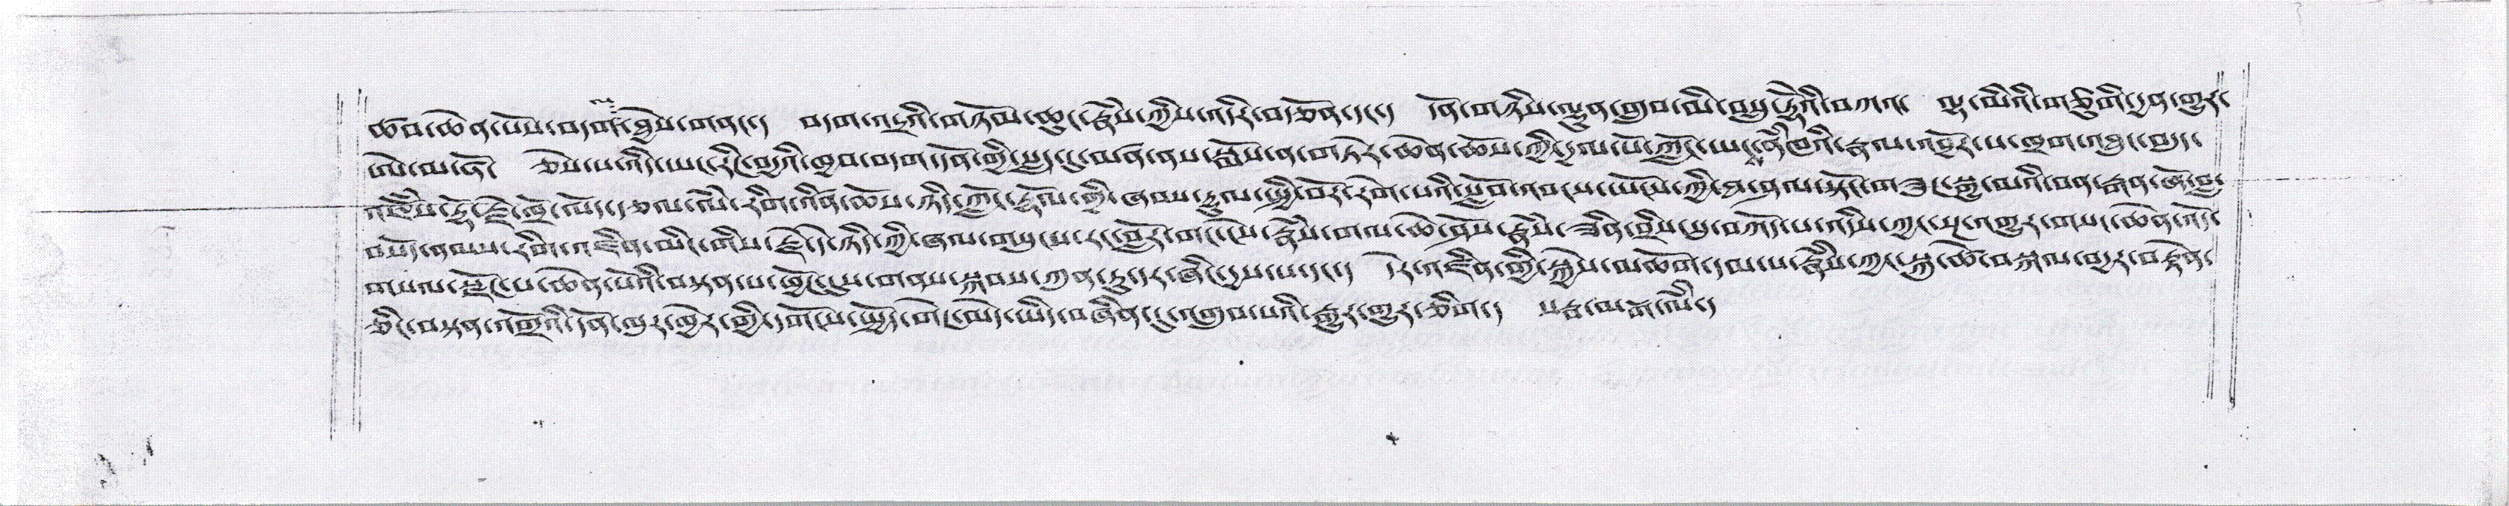ཚབ་ཆེན་པོས་བདག་ལ་ཐུགས་རྗེས་གནང་། །བདག་འདྲའི་གཉོམ་ཆུང་རྣམས་ཀྱིས་འདིར་བརྩོན་དང་། །དོན་གཉིས་ལྷུན་གྲུབ་མི་བསླུ་རྡོ་རྗེའི་བཀའ། །ལྷ་མིའི་གཙུག་གི་རྒྱན་གྱུར་
ཨེ་མ་ཧོ། །ཅེས་པ་འདི་ཡང་རིགས་བརྒྱའི་ཁྱབ་བདག་དོན་གྱི་སླད་དུ་མཚན་ནས་སྨོས་ན་གཏེར་ཆེན་ཆོས་ཀྱི་རྒྱལ་པོ་ཀློང་ཡངས་ནམ་མཁའི་རྣལ་འབྱོར་པ་ཁྲག་འཐུང་བདུད་
འཇོམས་རྡོ་རྗེ་གྲོ་ལོད་རྩལ་ལམ་རིག་འཛིན་ཆོས་ཉིད་ཀློང་བརྡོལ་གྱི་ཞབས་རྡུལ་སྤྱི་བོར་རེག་པའི་སློབ་འབངས་ཡོངས་ཀྱི་ཐ་ཤལ་སྟོང་གཟུགས་སྒྱུ་མའི་བན་རྒན་ཞོ་བླ་
བསོད་ནམས་རིག་འཛིན་མིང་གིས་རྗེ་དེ་ཉིད་ཀྱི་ཞལ་གསུང་རང་བློར་གང་ངེས་རྣམས་གལ་ཆེ་ཤོས་རྣམས་ཟིན་བྲིས་སུ་བཀོད་པ་འདིས་ཀྱང་སྔ་འགྱུར་གསང་ཆེན་འོད་
གསལ་རྫོགས་པ་ཆེན་པོའི་བསྟན་པ་ཕྱོགས་དུས་གནས་སྐབས་ཀུན་ཏུ་དར་ཞིང་རྒྱས་པ་དང་། དེར་འཛིན་གྱི་སྐྱེས་མཆོག་དམ་པ་རྣམས་ཀྱང་སྐུ་ཚེ་བསྐལ་བརྒྱར་བརྟན་
ཅིང་བསྟན་འགྲོའི་དོན་ཁུར་ཁྱེར་གྱི་དགོངས་སྤྱོད་གེགས་མེད་ཡིད་བཞིན་དུ་འགྲུབ་པའི་རྒྱུར་གྱུར་ཅིག། སརྦ་མངྒ་ལམ། །